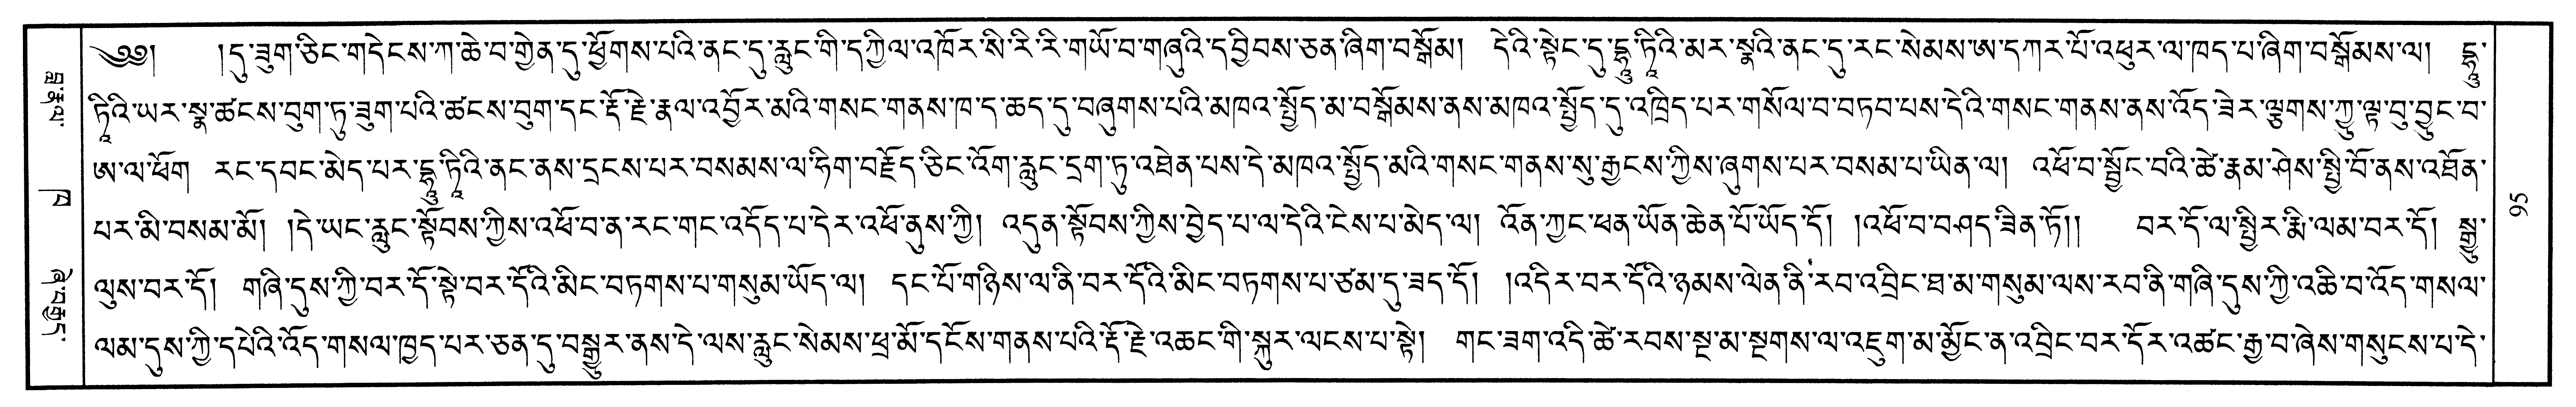༄༅། །དུ་ཟུག་ཅིང་གདེངས་ཀ་ཆེ་བ་གྱེན་དུ་ཕྱོགས་པའི་ནང་དུ་རླུང་གི་དཀྱིལ་འཁོར་སི་རི་རི་གཡོ་བ་གཞུའི་དབྱིབས་ཅན་ཞིག་བསྒོམ། དེའི་སྟེང་དུ་དྷཱུ་ཏཱིའི་མར་སྣའི་ནང་དུ་རང་སེམས་ཨ་དཀར་པོ་འཕུར་ལ་ཁད་པ་ཞིག་བསྒོམས་ལ། དྷཱུ་
ཏཱིའི་ཡར་སྣ་ཚངས་བུག་ཏུ་ཟུག་པའི་ཚངས་བུག་དང་རྡོ་རྗེ་རྣལ་འབྱོར་མའི་གསང་གནས་ཁ་ད་ཆད་དུ་བཞུགས་པའི་མཁའ་སྤྱོད་མ་བསྒོམས་ནས་མཁའ་སྤྱོད་དུ་འཁྲིད་པར་གསོལ་བ་བཏབ་པས་དེའི་གསང་གནས་ནས་འོད་ཟེར་ལྕགས་ཀྱུ་ལྟ་བུ་བྱུང་བ་
ཨ་ལ་ཕོག །རང་དབང་མེད་པར་དྷཱུ་ཏཱིའི་ནང་ནས་དྲངས་པར་བསམས་ལ་ཧིག་བརྗོད་ཅིང་འོག་རླུང་དྲག་ཏུ་འཐེན་པས་དེ་མཁའ་སྤྱོད་མའི་གསང་གནས་སུ་རྒྱངས་ཀྱིས་ཞུགས་པར་བསམ་པ་ཡིན་ལ། འཕོ་བ་སྦྱོང་བའི་ཚེ་རྣམ་ཤེས་སྤྱི་བོ་ནས་འཐོན་
པར་མི་བསམ་མོ། །དེ་ཡང་རླུང་སྟོབས་ཀྱིས་འཕོ་བ་ན་རང་གང་འདོད་པ་དེར་འཕོ་ནུས་ཀྱི། འདུན་སྟོབས་ཀྱིས་བྱེད་པ་ལ་དེའི་ངེས་པ་མེད་ལ། འོན་ཀྱང་ཕན་ཡོན་ཆེན་པོ་ཡོད་དོ། །འཕོ་བ་བཤད་ཟིན་ཏོ།། བར་དོ་ལ་སྤྱིར་རྨི་ལམ་བར་དོ། སྒྱུ་
ལུས་བར་དོ། གཞི་དུས་ཀྱི་བར་དོ་སྟེ་བར་དོའི་མིང་བཏགས་པ་གསུམ་ཡོད་ལ། དང་པོ་གཉིས་ལ་ནི་བར་དོའི་མིང་བཏགས་པ་ཙམ་དུ་ཟད་དོ། འདིར་བར་དོའི་ཉམས་ལེན་ནི་རབ་འབྲིང་ཐ་མ་གསུམ་ལས་རབ་ནི་གཞི་དུས་ཀྱི་འཆི་བ་འོད་གསལ་
ལམ་དུས་ཀྱི་དཔེའི་འོད་གསལ་ཁྱད་པར་ཅན་དུ་བསྒྱུར་ནས་དེ་ལས་རླུང་སེམས་ཕྲ་མོ་དངོས་གནས་པའི་རྡོ་རྗེ་འཆང་གི་སྐུར་ལངས་པ་སྟེ། གང་ཟག་འདི་ཚེ་རབས་སྔ་མ་སྔགས་ལ་འཇུག་མ་མྱོང་ན་འབྲིང་བར་དོར་འཚང་རྒྱ་བ་ཞེས་གསུངས་པ་དེ་